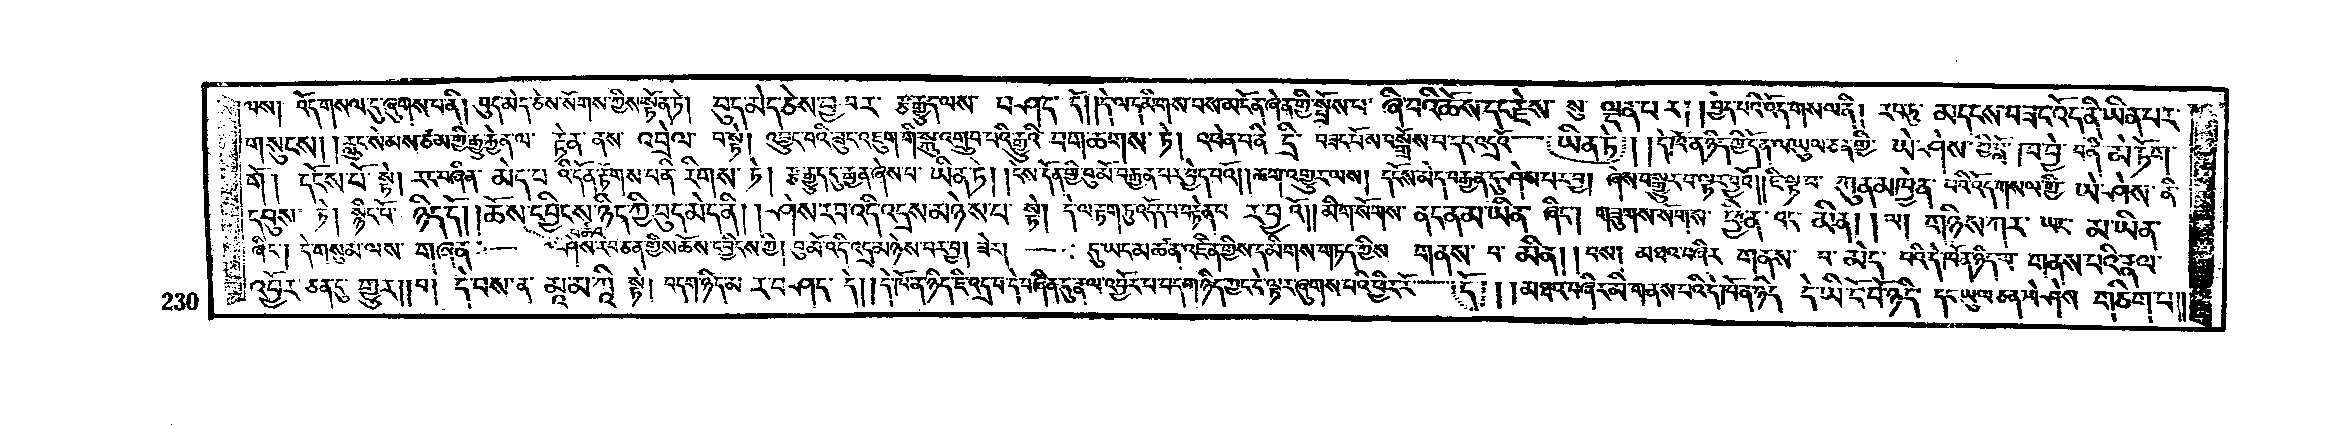ལས། འོད་གསལ་དུ་ཞུགས་པ་ནི། བུད་མེད་ཅེས་སོགས་ཀྱིས་སྟོན་ཏེ། བུད་མེད་ཅེས་བྱ་བར་རྩ་རྒྱུད་ལས་བཤད་དོ། །དེ་ལ་དམིགས་པས་མངོན་ཞེན་གྱི་སྤྲོས་པ་ཞི་བའི་ཆོས་དང་རྗེས་སུ་ལྡན་པར། ། བྱེད་པའི་འོད་གསལ་ནི། རབ་ཏུ་མདངས་བཟང་འོད་ནི་ཡིན་པར་
གསུངས། །རླུང་སེམས་ཙམ་གྱི་རྒྱུ་རྐྱེན་ལ་རྟེན་ནས་འབྲེལ་བ་སྟེ། འབྱུང་བའི་ཟུང་འཇུག་གི་སྐུ་འགྲུབ་པའི་རྒྱུའི་བག་ཆགས་ཏེ། འཕེན་པ་ནི་དྲི་བཟང་པོས་བསྒོས་པ་དང་འདྲའོ་ཡིན་ཏེ། ། དེ་ཁོ་ན་ཉིད་ཀྱི་དོན་ལ་ཡུལ་ཅན་གྱི་ཡེ་ཤེས་ཀྱི་བློ་ཁ་བྱེ་བ་ནི་མེ་ཏོག་
གོ །དངོས་པོ་སྟེ། རང་བཞིན་མེད་པའི་དོན་རྟོགས་པ་ནི་རིགས་ཏེ། རྩ་རྒྱུད་དུ་རྒྱན་ཞེས་པ་ཡིན་ཏེ། ། ངེས་དོན་གྱི་བུ་མོ་བརྒྱན་པར་བྱེད་པའོ། །ཆག་འགྱུར་ལས། དངོས་མེད་བརྒྱན་དུ་ཤེས་པར་བྱ། ཞེས་བསྒྱུར་བ་ལྟར་བྱའོ། །ཇི་ལྟ་བ་ཀུན་མཁྱེན་པའི་འོད་གསལ་ཀྱི་ཡེ་ཤེས་ནི
དབུས་ཏེ། སྙིང་པོ་ཉིད་དོ། །ཆོས་དབྱིངས་ཉིད་ཀྱི་བུད་མེད་ནི། །ཤེས་རབ་འདི་འདྲས་མཉེས་པ་སྟེ། དེ་ལ་རྟག་ཏུ་འདོད་པ་བརྟེན་པ་ར་བྱའོ། ། མིག་སོགས་ནང་ནམ་ཡིན་ཞིང་། གཟུགས་སོགས་ཕྱི་ན་འང་མིན། ། ལ། གཉིས་ཀར་ཡང་མ་ཡིན་
ཞིང་། དེ་གསུམ་ལས་གཞན་H.་༧་ཤེས་རབ་ཅན་གྱིས་ཆོས་དབྱིངས་ཀྱི། བུ་མོ་འདི་འདྲ་མཉེས་པར་བྱ། ཟེར། .H དུ་ཡང་མཚན་འཛིན་གྱིས་དིགས་གཏད་ཀྱིས་གནས་པ་མིན། ། པས། མཐའ་བཞིར་གནས་པ་མེད་པའི་དེ་ཁོ་ན་ཉིད་ལ་གནས་པའི་རྣལ་
འབྱོར་ཅན་དུ་གྱུར། ། པ། དེ་བས་ན་མཱ་མ་ཀE་སྟེ། བདག་ཉིད་མར་བཤད་དེ། །དེ་ཁོ་ན་ཉིད་ཇི་འདྲ་བ་དེ་བཞིན་དུ་རྣལ་འབྱོར་བ་བདག་ཉིད་ཀྱང་དེ་ལྟར་ཞུགས་པའི་ཕྱིར་རོ་དོ། ། མཐའ་བཞིར་མི་གནས་པའི་དེ་ཁོ་ན་ཉིད་དེ་ཡི་ངོ་བོ་ཉིད་དང་ཡུལ་ཅན་ཡེ་ཤེས་གཅིག་པ།།